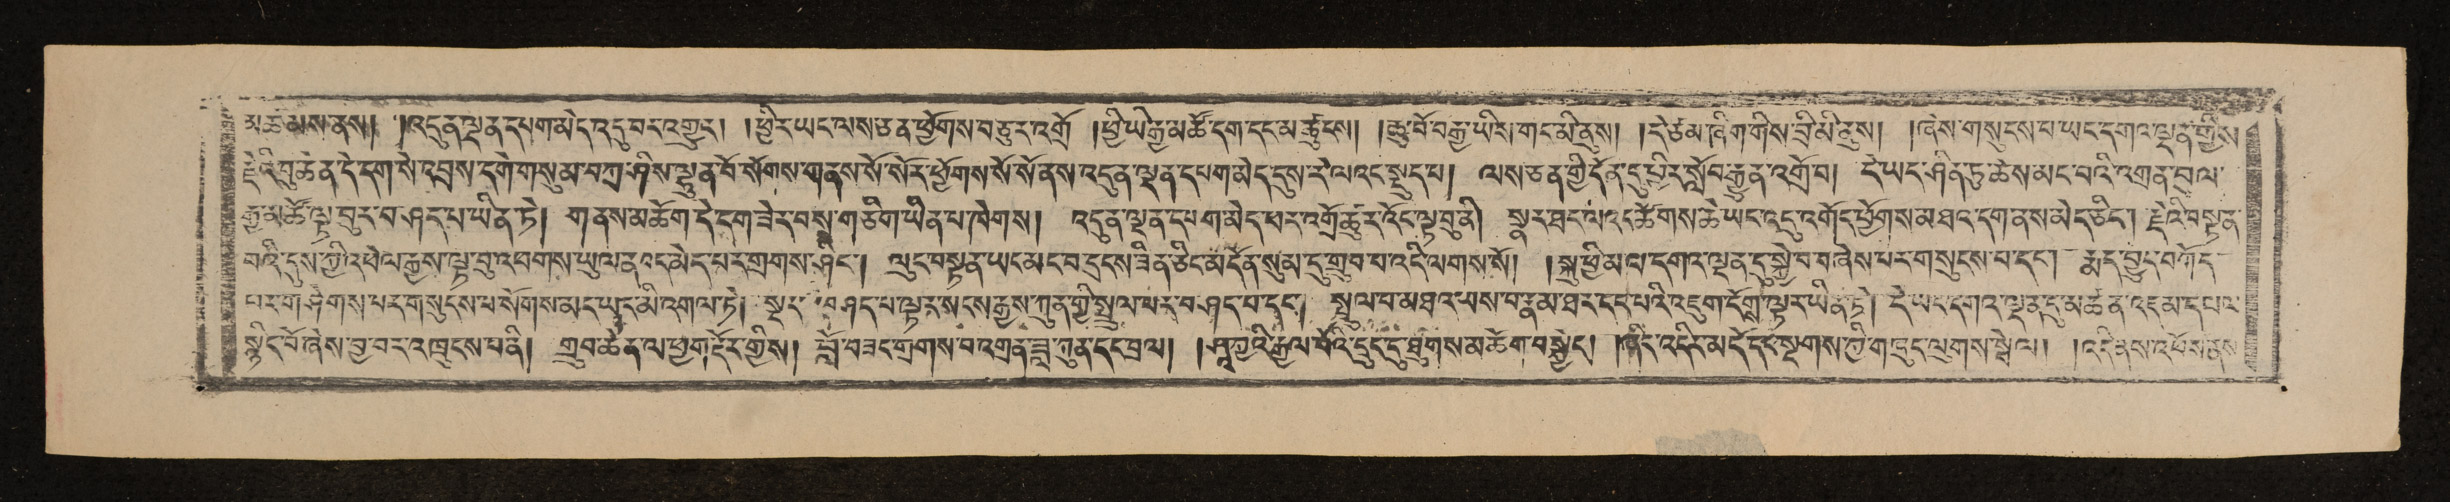མཚམས་ནས། །འདུན་ལྡན་དཔག་མེད་འདུ་བར་འགྱུར། །ཕྱིར་ཡང་ལས་ཅན་ཕྱོགས་བཅུར་འགྲོ་།ཕྱི་ཡི་རྒྱ་མཚོ་དག་དང་མཚུངས། །ཆུ་བོ་བརྒྱ་ཡིས་གང་མི་ནུས། །དེ་ཙམ་ཞིག་གིས་བྲི་མི་ནུས། །ཞེས་གསུངས་པ་ཡང་དགའ་ལྡན་གྱིས་
རྗེའི་བུ་ཆེན་དེ་དག་སེ་འབྲས་དགེ་གསུམ་བཀྲ་ཤིས་ལྷུན་པོ་སོགས་གནས་སོ་སོར་ཕྱོགས་སོ་སོ་ནས་འདུན་ལྡན་དཔག་མེད་དུས་རེ་ལའང་སྡུད་པ། ལས་ཅན་གྱི་དོན་དུ་ཕྱིར་སློབ་རྒྱུན་འགྲོ་བ། དེ་ཡང་ཤིན་ཏུ་ཆེས་མང་བའི་འགྲན་བྲལ་
རྒྱ་མཚོ་ལྟ་བུར་བཤད་པ་ཡིན་ཏེ། གནས་མཆོག་དེ་དག་ཟེར་བས་གཅིག་ཡིན་པ་ཁེགས། འདུན་ལྡན་དཔག་མེད་ཕར་འགྲོ་ཚུར་འོད་ལྟ་བུ་ནི། སྣར་ཐང་ལའང་ཚོགས་ཆེ་ཡང་འདུ་འགོད་ཕྱོགས་མཐའ་དག་ནས་མེད་ཅིང་། རྗེའི་བསྟན་
པའི་དུས་ཀྱི་འཕེལ་རྒྱས་ལྟ་བུ་འཕགས་ཡུལ་ནའང་མེད་བར་གྲགས་ཤིང་། ལུང་བསྟན་ཡང་མང་བ་དྲངས་ཟིན་ཅིང་མངོན་སུམ་དུ་གྲུབ་པ་འདི་ལགས་སོ། །སྐུ་ཕྱི་མ་ལ་དགའ་ལྡན་དུ་སྐྱེ་བ་བཞེས་པར་གསུངས་པ་དང་། རྨད་བྱུང་བཀོད་
པར་གཤེགས་པར་གསུངས་པ་སོགས་མང་ཡང་མི་འགལ་ཏེ། སྔར་བཤད་པ་ལྟར་སངས་རྒྱས་ཀུན་གྱི་སྤྲུལ་པར་བཤད་པ་དང་། སྤྲུལ་པ་མཐའ་ཡས་པ་རྣམ་ཐར་དད་པའི་འཇུག་ངོགས་ལྟར་ཡིན་ཏེ། དེ་ཡང་དགའ་ལྡན་དུ་མཚན་འཇམ་དཔལ་
སྙིང་པོ་ཞེས་བྱ་བར་འཁྲུངས་པ་ནི། གྲུབ་ཆེན་ལ་ཕྱག་རྡོར་གྱིས། བློ་བཟང་གྲགས་པ་འགྲན་ཟླ་ཀུན་དང་བྲལ། །ཤཱཀྱའི་རྒྱལ་པོའི་དྲུང་དུ་ཐུགས་མཆོག་བསྐྱེད། །ཞིང་འདིར་མདོ་དང་སྔགས་ཀྱི་གཞུང་ལུགས་སྦེལ། །འདི་ནས་འཕོས་ནས་